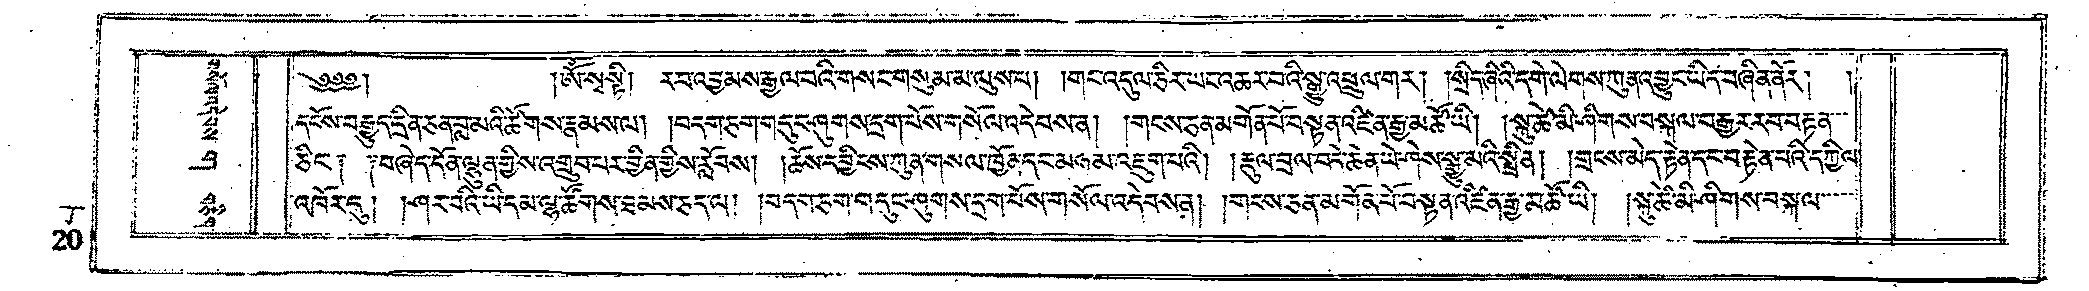༄༅༅། །ཨོཾ་སྭ་སྟི། རབ་འབྱམས་རྒྱལ་བའི་གསང་གསུམ་མ་ལུས་པ། །གང་འདུལ་ཅིར་ཡང་འཆར་བའི་སྒྱུ་འཕྲུལ་གར། །སྲིད་ཞིའི་དགེ་ལེགས་ཀུན་འབྱུང་ཡིད་བཞིན་ནོར། །
དངོས་བརྒྱུད་དྲིན་ཅན་བླ་མའི་ཚོགས་རྣམས་ལ། །བདག་ཅག་གདུང་ཤུགས་དྲག་པོས་གསོལ་འདེབས་ན། །གངས་ཅན་མགོན་པོ་བསྟན་འཛིན་རྒྱ་མཚོ་ཡི། །སྐུ་ཚེ་མི་ཤིགས་བསྐལ་བརྒྱར་རབ་བརྟན་་་་ཅིང༑ ༑བཞེད་དོན་ལྷུན་གྱིས་འགྲུབ་པར་བྱིན་གྱིས་རློབས། །ཆོས་དབྱིངས་ཀུན་གསལ་ཁྱོན་དང་མཉམ་འཇུག་པའི། །རྡུལ་བྲལ་བདེ་ཆེན་ཡེ་ཤེས་སྒྱུ་མའི་སྤྲིན། །གྲངས་མེད་རྟེན་དང་བརྟེན་པའི་དཀྱིལ་
འཁོར་དུ། །ཤར་བའི་ཡི་དམ་ལྷ་ཚོགས་ཐམས་ཅད་ལ། །བདག་ཅག་གདུང་ཤུགས་དྲག་པོས་གསོལ་འདེབས་ན། །གངས་ཅན་མགོན་པོ་བསྟན་འཛིན་རྒྱ་མཚོ་ཡི། །སྐུ་ཚེ་མི་ཤིགས་བསྐལ་་་